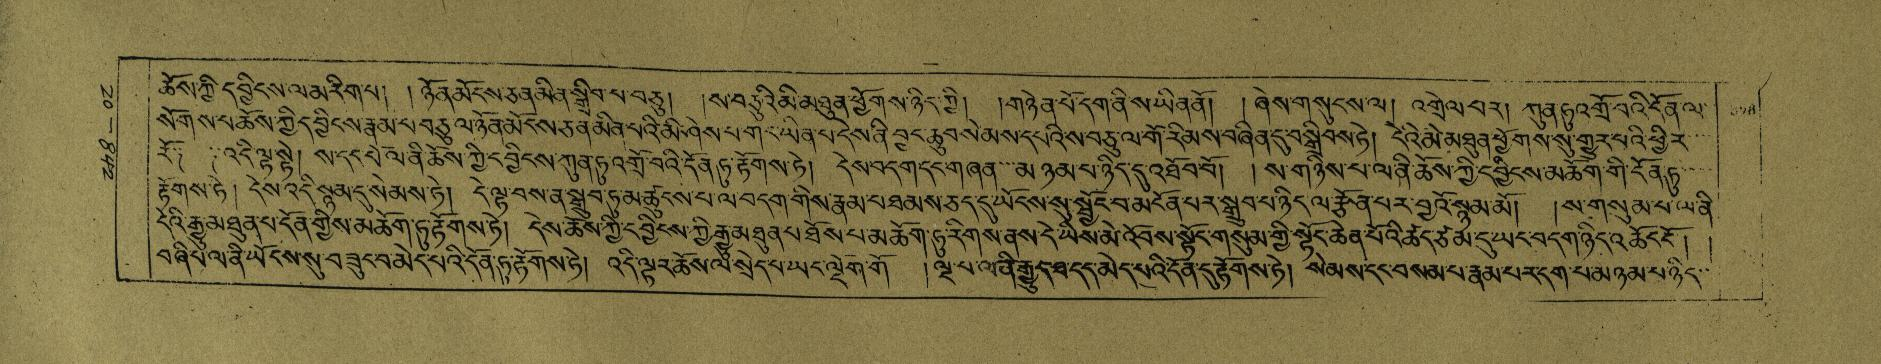ཆོས་ཀྱི་དབྱིངས་ལ་མ་རིག་པ། །ཉོན་མོངས་ཅན་མིན་སྒྲིབ་པ་བཅུ། །ས་བཅུའི་མི་མཐུན་ཕྱོགས་ཉིད་ཀྱི། གཉེན་པོ་དག་ནི་ས་ཡིན་ནོ། །ཞེས་གསུངས་ལ། འགྲེལ་བར། ཀུན་ཏུ་འགྲོ་བའི་དོན་ལ་
སོགས་པ་ཆོས་ཀྱི་དབྱིངས་རྣམ་པ་བཅུ་ལ་ཉོན་མོངས་ཅན་མིན་པའི་མི་ཤེས་པ་གང་ཡིན་པ་དེས་ནི་བྱང་ཆུབ་སེམས་དཔའི་ས་བཅུ་ལ་གོ་རིམས་བཞིན་དུ་བསྒྲིབས་ཏེ། དེའི་མི་མཐུན་ཕྱོགས་སུ་གྱུར་པའི་ཕྱིར་
རོ༑ ༑འདི་ལྟ་སྟེ། ས་དང་པོ་ལ་ནི་ཆོས་ཀྱི་དབྱིངས་ཀུན་ཏུ་འགྲོ་བའི་དོན་ཏུ་རྟོགས་ཏེ། དེས་བདག་དང་གཞན་མཉམ་པ་ཉིད་དུ་འཐོབ་བོ། །ས་གཉིས་པ་ལ་ནི་ཆོས་ཀྱི་དབྱིངས་མཆོག་གི་དོན་ཏུ་
རྟོགས་ཏེ། དེས་འདི་སྙམ་དུ་སེམས་ཏེ། དེ་ལྟ་བས་ན་སྒྲུབ་ཏུ་མཚུངས་པ་ལ་བདག་གིས་རྣམ་པ་ཐམས་ཅད་དུ་ཡོངས་སུ་སྦྱོང་བ་མངོན་པར་སྒྲུབ་པ་ཉིད་ལ་རྩོན་པར་བྱའོ་སྙམ་མོ། །ས་གསུམ་པ་ལ་ནི་
དེའི་རྒྱུ་མཐུན་པ་དོན་གྱིས་མཆོག་ཏུ་རྟོགས་ཏེ། དེས་ཆོས་ཀྱི་དབྱིངས་ཀྱི་རྒྱུ་མཐུན་པ་ཐོས་པ་མཆོག་ཏུ་རིགས་ནས་དེ་ཡིས་མེ་འབས་སྟོང་གསུམ་གྱི་སྟོང་ཆེན་པོའི་ཚད་ཙམ་དུ་ཡང་བདག་ཉིད་འཆོང་ངོ། །
བཞི་པ་ལ་ནི་ཡོངས་སུ་བཟུང་བ་མེད་པའི་དོན་ཏུ་རྟོགས་ཏེ། འདི་ལྟར་ཆོས་ལ་སྲེད་པ་ཡང་ལྡོག་གོ །ལྔ་པ་ལ་ནི་རྒྱུད་ཐ་དད་མེད་པའི་དོན་དུ་རྟོགས་ཏེ། སེམས་དང་བསམ་པ་རྣམ་པར་དག་པ་པ་མཉམ་པ་ཉིད་